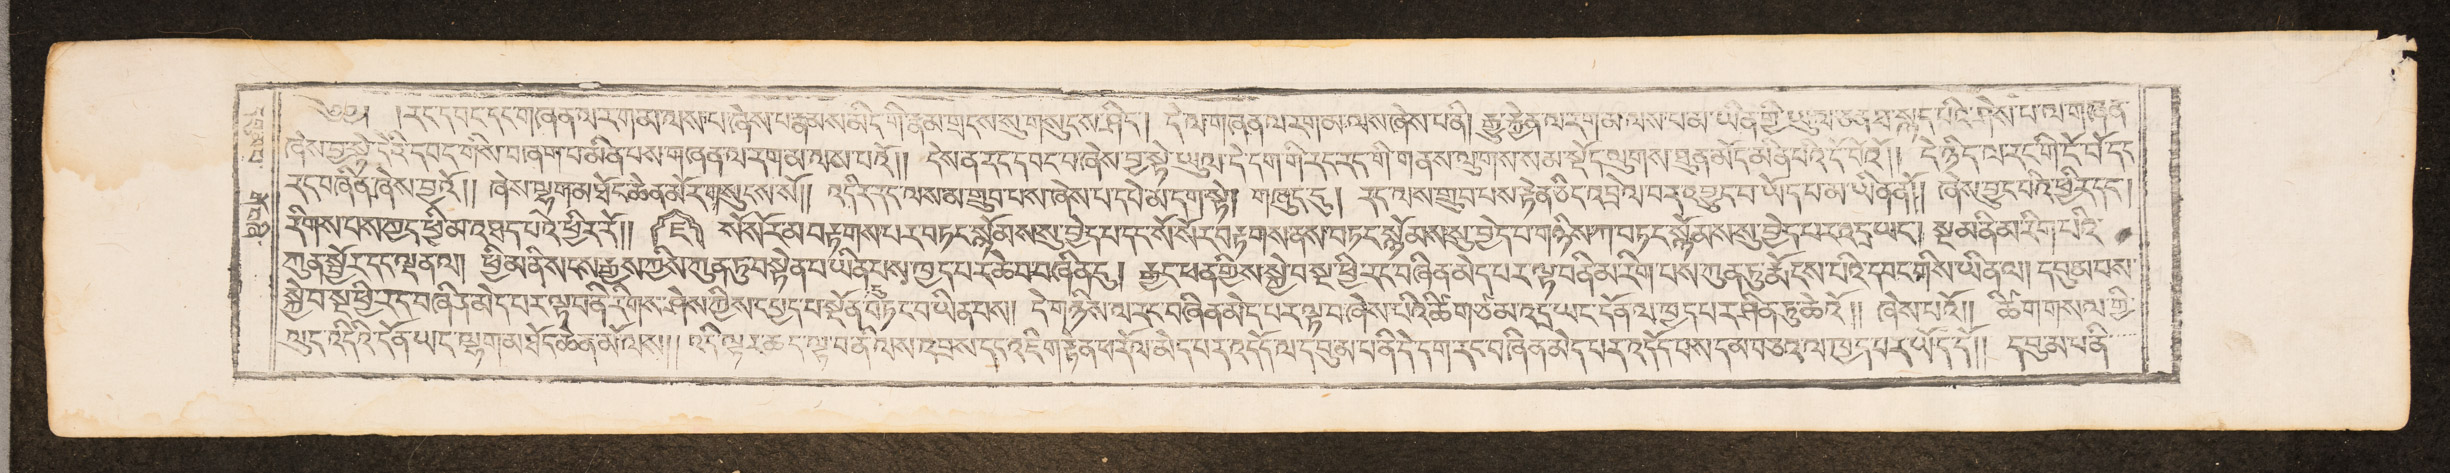༄༅། །རང་དབང་དང་གཞན་ལ་རག་མ་ལས་པ་ཞེས་པ་རྣམས་མིང་གི་རྣམ་གྲངས་སུ་གསུངས་ཤིང་། དེ་ལ་གཞན་ལ་རག་མ་ལས་ཞེས་པ་ནི། རྒྱུ་རྐྱེན་ལ་རག་མ་ལས་པ་མ་ཡིན་གྱི་ཡུལ་ཅན་ཐ་སྙད་པའི་ཤེས་པ་ལ་གཞན་
ཞེས་བྱས་སྟེ་དེའི་དབང་གིས་བཞག་པ་མིན་པས་གཞན་ལ་རག་མ་ལས་པའོ།། དེས་ན་རང་དབང་བ་ཞེས་བྱ་སྟེ་ཡུལ་དེ་དག་གི་རང་རང་གི་གནས་ལུགས་སམ་སྡོད་ལུགས་ཐུན་མོང་མིན་པའི་ངོ་བོའོ། །དེ་ཉིད་ལ་རང་གི་ངོ་བོ་དང་
རང་བཞིན་ཞེས་བྱའོ། །ཞེས་ལྟག་མཐོང་ཆེན་མོར་གསུངས་སོ། །འདིར་རང་ལས་མ་གྲུབ་པས་ཞེས་པ་དཔེ་མ་དག་སྟེ། གཞུང་དུ། རང་ལས་གྲུབ་པས་རྟེན་ཅིང་འབྲེལ་བར་འབྱུང་བ་ཡོད་པ་མ་ཡིན་ནོ། །ཞེས་བྱུང་བའི་ཕྱིར་དང་།
རིགས་པས་ཀྱང་ཕྱི་མ་འཐད་པའི་ཕྱིར་རོ།། ༼༽ཇ༼༽ སོ་སོར་རམ་བརྟགས་པར་བཏང་སྙོམས་སུ་བྱེད་པ་དང་སོ་སོར་བརྟགས་ནས་བཏང་སྙོམས་སུ་བྱེད་པ་གཉིས་ཀ་བཏང་སྙོམས་སུ་བྱེད་པར་འདྲ་ཡང་། སྔ་མ་ནི་མ་རིག་པའི་
ཀུན་སྦྱོར་དང་ལྡན་ལ། ཕྱི་མ་ནི་སངས་རྒྱས་ཀྱིས་ཀུན་ཏུ་བསྟེན་པ་ཡིན་པས་ཁྱེད་པར་ཆེ་བ་བཞིན་དུ། རྒྱང་ཕན་གྱིས་སྐྱེ་བ་སྔ་ཕྱི་རང་བཞིན་མེད་པར་ལྟ་བ་ནི་མ་རིག་པས་ཀུན་ཏུ་རྨོངས་པའི་དབང་གིས་ཡིན་ལ། དབུ་མ་པ་
སྐྱེ་བ་སྔ་ཕྱི་རང་བཞིན་མེད་པར་ལྟ་བ་ནི་རིགས་ཤེས་ཀྱིས་དཔྱད་པ་སྔོན་བཏང་བ་ཡིན་པས། དེ་གཉིས་ལ་རང་བཞིན་མེད་པར་ལྟ་བ་ཞེས་པའི་ཚིག་ཙམ་འདྲ་ཡང་དོན་ལ་ཁྱད་པར་ཤིན་ཏུ་ཆེའོ། །ཞེས་པའོ། །ཚིག་གསལ་གྱི་
ལུང་འདིའི་དོན་ཡང་ལྷག་མཐོང་ཆེན་མོ་ལས། །འདི་ལྟར་ཆད་ལྟ་བ་ནི་ལས་འབྲས་དང་འཇིག་རྟེན་ཕ་རོལ་མེད་པར་འདོད་ལ་དབུ་མ་པ་ནི་དེ་དག་རང་བཞིན་མེད་པར་འདོད་པས་དམ་བཅའ་ལ་ཁྱད་པར་ཡོད་དོ། །དབུ་མ་པ་ནི་